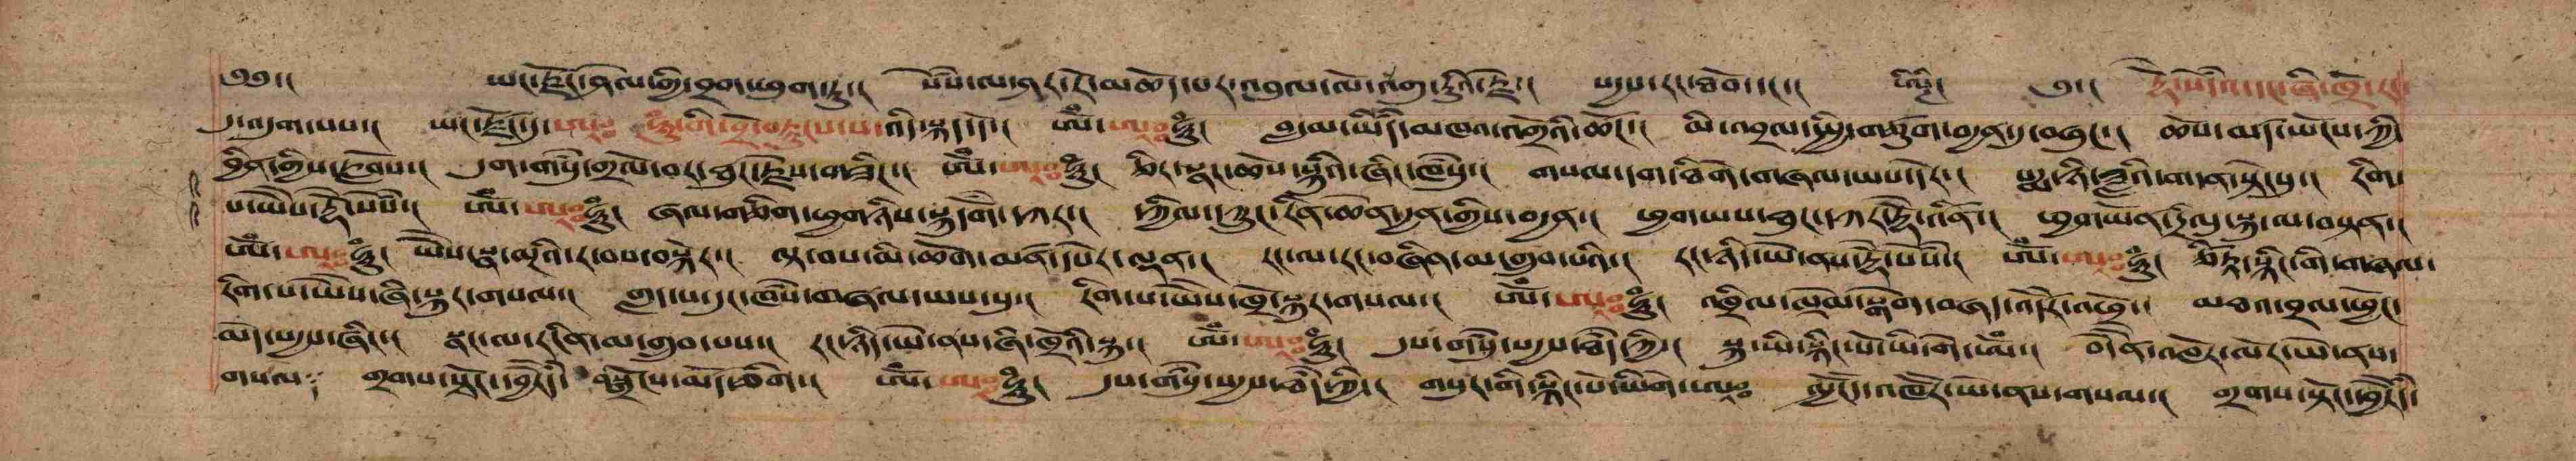༄༅།། ཡང་རྫོང་ཤེལ་གྱི་བྲག་ཕུག་ཏུ།། སེམས་ལ་ཤར་རོ་མཆོད་པར་འབུལ་ལོ་འགུ་རུའི་རྗེ།། སངས་རྒྱས་རང་ཐོབ་དང་།། ཨིཊི།། ༄་། རྡོ་རྗེ་སེམས་དཔའ་དང་ཞི་ཁྲོ་རང་
དུ་འདུག་པས།། ཡང་རྫོང་དུ་ཨཱཿ ཧཱུཾ་གི་བྲོ་བརྡུངས་པ་འདི་སྐད་དོ།། ཨོཾ་ཨཱཿཧཱུཾ། བླ་མ་ཡིད་དམ་མཁའ་འགྲོའི་ཚོགས།། མི་འབྲལ་སྤྱི་གཙུག་རྒྱན་དུ་བཞུགས།། ཆོས་མཛད་ཡོངས་ཀྱིས་
བྱིན་གྱིས་རློབས།། དུག་གསུམ་གྲོལ་བར་ཐུགས་རྗེས་གཟིགས།། ཨོཾ་ཨཱཿཧཱུཾ། ཅིར་སྣང་ཆོས་སྐུའི་ཞིང་ཁམས་སུ།། གསལ་དག་ཐིག་ལེ་གཞལ་ཡས་དེར།། པདྨ་ཉི་ཟླའི་གདན་སྟེངས་སུ།། རིག་
པ་ཡེ་ཤེས་རྡོ་རྗེ་སེམས།། ཨོཾ་ཨཱཿཧཱུཾ། ཞལ་གཅིག་ཕྱག་གཉིས་སྐུ་མདོག་དཀར།། དཀྱིལ་དཀྲུང་རིན་ཆེན་རྒྱན་གྱིས་བརྒྱན།། ཕྱག་གཡས་ཐུགས་ཀར་རྡོ་རྗེ་འཛིན།། ཕྱག་གཡོན་དྲིལ་བུ་སྐུ་ལ་བསྟན།། 
ཨོཾ་ཨཱཿཧཱུཾ། ཡེ་ཤེས་སྣ་ལྔའི་ར་བས་བསྐོར།། ལྟ་བས་མི་ཆོག་མཚན་དཔེར་ལྡན།། རང་ལ་རང་བཞིན་མ་གྲུབ་པའི།། རང་ལ་རང་བཞིན་མ་གྲུབ་པའི།། རང་ཉིད་ཡེ་ནས་རྡོ་རྗེ་སེམས།། ཨོཾ་ཨཱཿཧཱུཾ། ཙིརྟ་སྙིང་གི་གཞལ་
རིག་པ་ཡེ་ཤེས་ཞི་སྐུར་གསལ།། ཀླད་པ་དུང་ཁམས་གཞལ་ཡས་སུ།། རིག་པ་ཡེ་ཤེས་ཁྲོ་སྐུར་གསལ།། ཨོཾ་ཨཱཿཧཱུཾ། འཁྲིལ་ལྡེམ་སྒེག་བཞད་འོད་ཟེར་འཕྲོ།། མཐའ་བྲལ་ཕྱོགས་
མེད་སངས་རྒྱས་ཞིང་།། སྣང་ལ་རང་བཞིན་མ་གྲུབ་པས།། རང་ཉིད་ཡེ་ནས་ཞི་ཁྲོའི་སྐུ།། ཨོཾ་ཨཱཿཧཱུཾ། དུས་གསུམ་སངས་རྒྱས་ཐམས་ཅད་ཀྱི།། སྐུ་ཡི་སྙིང་པོ་ཡི་གེ་ཨོཾ།། བདེ་ཆེན་འཁོར་ལོར་ཡེ་ནས་
གསལ།། གྲགས་སྟོང་དབྱེར་མེད་བསྒྲེངས་མཛོད་ཅིག། ཨོཾ་ཨཱཿཧཱུཾ། དུས་གསུམ་སངས་རྒྱས་ཐམས་ཅད་ཀྱི།། གསུང་གི་སྙིང་པོ་ཡིག་གེ་ཨཱཿ། ལོངས་སྤྱོད་འཁོར་ལོ་ཡེ་ནས་གསལ།། གྲགས་སྟོང་དབྱེར་མེད་